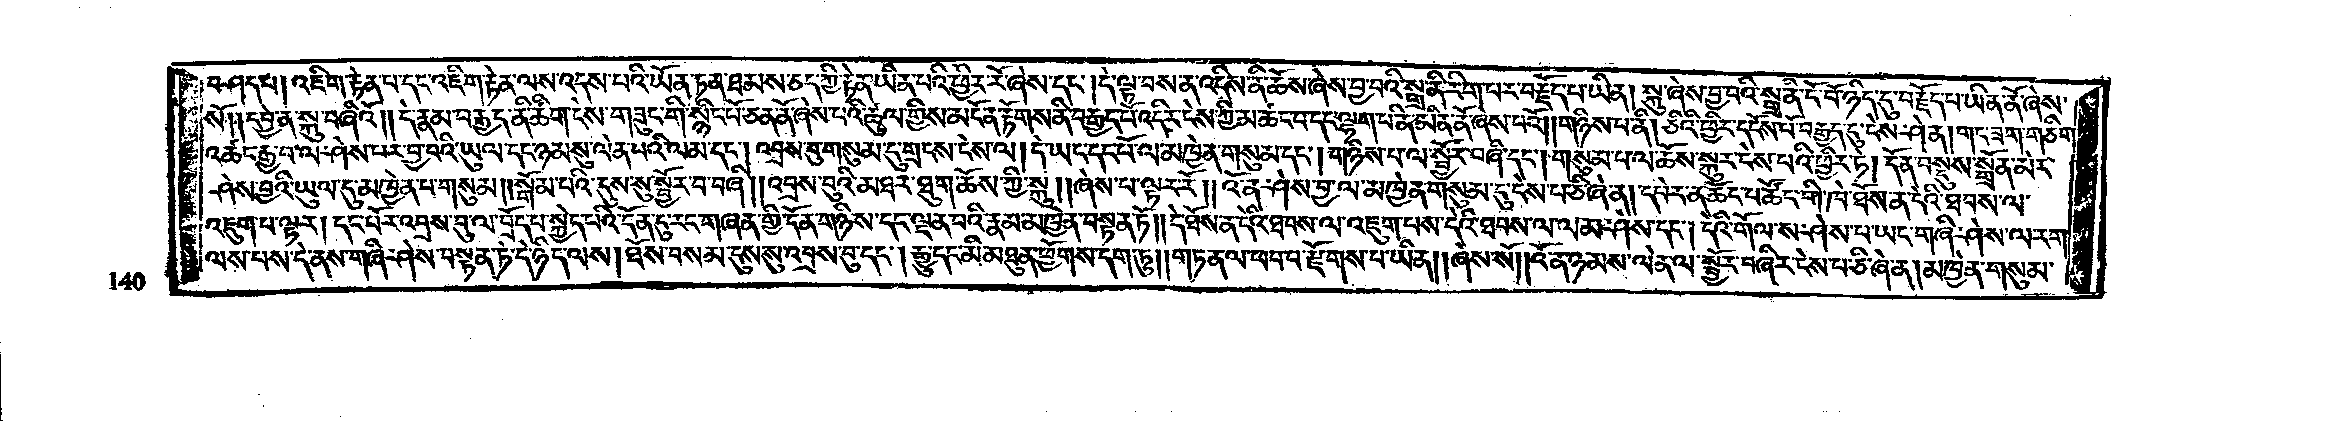བཤད་པ། འཇིག་རྟེན་པ་དང་འཇིག་རྟེན་ལས་འདས་པའི་ཡོན་ཏན་ཐམས་ཅད་ཀྱི་རྟེན་ཡིན་པའི་ཕྱིར་རོ་ཞེས་དང་། དེ་ལྟ་བས་ན་འདིས་ནི་ཆོས་ཞེས་བྱ་བའི་སྒྲ་ནི་རིག་པར་བརྗོད་པ་ཡིན། སྐུ་ཞེས་བྱ་བའི་སྒྲ་ནི་ངོ་བོ་ཉིད་དུ་བརྗོད་པ་ཡིན་ནོ་ཞེས་
སོ། །དབྱེ་ན་སྐུ་བཞིའོ། །དེ་རྣམ་བརྒྱད་ནི་ཚིག་ངེས་གཟུང་གི་སྙིང་པོ་ཅན་ནོ་ཞེས་པའི་ཚུལ་གྱིས་མངོན་རྟོགས་ནི་བརྒྱད་པོ་འདིར་ངེས་ཀྱི་མ་ཚང་བ་དང་ལྷག་པ་ནི་མིན་ནོ་ཞེས་པའོ། །གཉིས་པ་ནི། ཅིའི་ཕྱིར་དངོས་པོ་བརྒྱད་དུ་ངེས་ཤེ་ན། གང་ཟག་གཅིག་
འཚང་རྒྱ་བ་ལ་ཤེས་པར་བྱ་བའི་ཡུལ་དང་ཉམས་སུ་ལེན་པའི་ལམ་དང་། འབྲས་བུ་གསུམ་དུ་གྲངས་ངེས་ལ། དེ་ཡང་དང་པོ་ལ་མཁྱེན་གསུམ་དང་། གཉིས་པ་ལ་སྦྱོར་བཞི་དང་། གསུམ་པ་ལ་ཆོས་སྐུར་ངེས་པའི་ཕྱིར་ཏེ། དོན་བསྡུས་སྒྲོན་མེར་
ཤེས་བྱའི་ཡུལ་དུ་མཁྱེན་པ་གསུམ། །སྒོམ་པའི་དུས་སུ་སྦྱོར་བ་བཞི། །འབྲས་བུའི་མཐར་ཐུག་ཆོས་ཀྱི་སྐུ། །ཞེས་པ་ལྟར་རོ། །འོ་ན་ཤེས་བྱ་ལ་མཁྱེན་གསུམ་དུ་ངེས་པ་ཅི་ཞེ་ན། དཔེར་ན་ཚོང་པ་ཚོང་གི་ཁེ་ཐོས་ན་དེའི་ཐབས་ལ་
འཇུག་པ་ལྟར། དང་པོར་འབྲས་བུ་ལ་བྲོད་པ་སྐྱེད་པའི་དོན་དུ་རང་གཞན་གྱི་དོན་གཉིས་དང་ལྡན་པའི་རྣམ་མཁྱེན་བསྟན་ཏོ། །དེ་ཐོས་ན་དེའི་ཐབས་ལ་འཇུག་པས་དེའི་ཐབས་ལ་ལམ་ཤེས་དང་། དེའི་གོལ་ས་ཤེས་པ་ཡང་གཞི་ཤེས་ལ་རག་
ལས་པས་དེ་ནས་གཞི་ཤེས་བསྟན་ཏེ་དེ་ཉིད་ལས། ཐོས་བསམ་དུས་སུ་འབྲས་བུ་དང་། རྒྱུ་དང་མི་མཐུན་ཕྱོགས་དག་ཏུ། །གཏན་ལ་ཕབ་པ་རྫོགས་པ་ཡིན། །ཞེས་སོ། །འོ་ན་ཉམས་ལེན་ལ་སྦྱོར་བཞིར་ངེས་པ་ཅི་ཞེ་ན། མཁྱེན་གསུམ་